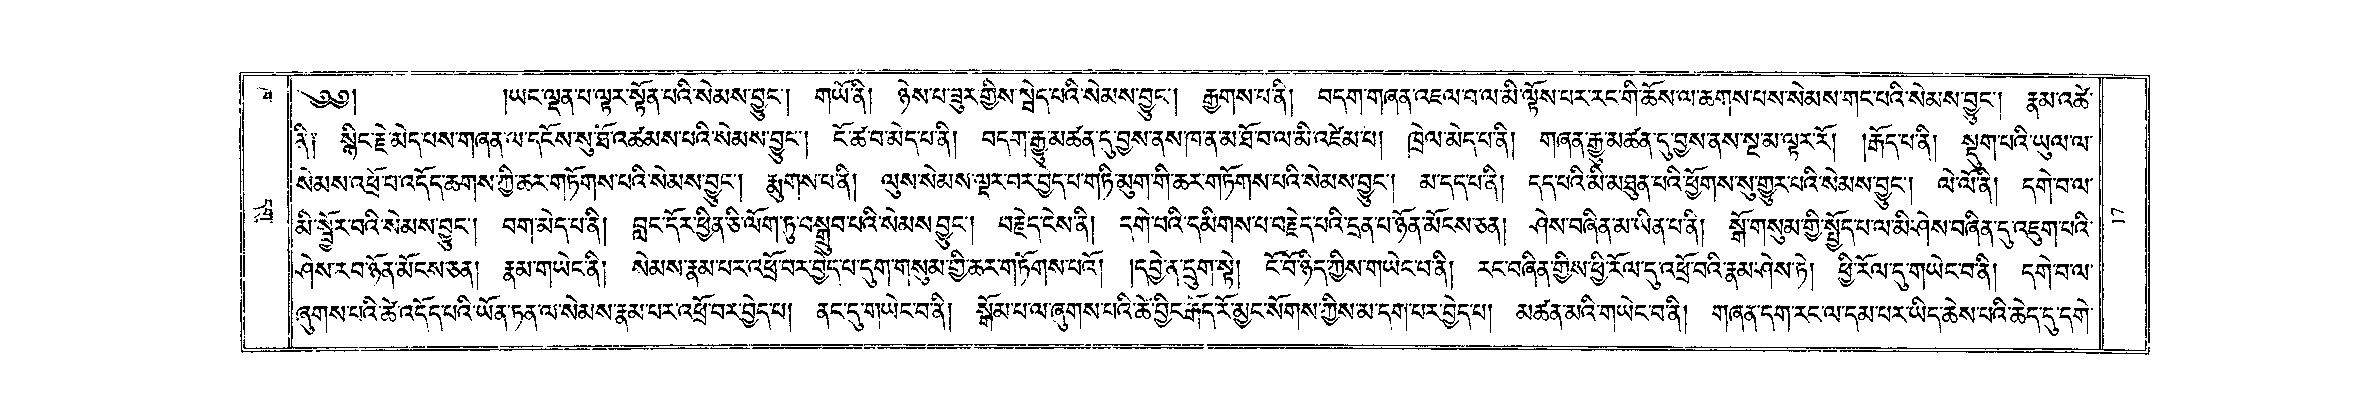༄༅། །ཡང་ལྡན་པ་ལྟར་སྟོན་པའི་སེམས་བྱུང་། གཡོ་ནི། ཉེས་པ་ཟུར་གྱིས་སྦེད་པའི་སེམས་བྱུང་། རྒྱགས་པ་ནི། བདག་གཞན་འཇལ་བ་ལ་མི་ལྟོས་པར་རང་གི་ཆོས་ལ་ཆགས་པས་སེམས་གང་པའི་སེམས་བྱུང་། རྣམ་འཚེ་
ནི༑ སྙིང་རྗེ་མེད་པས་གཞན་ལ་དངོས་སུ་ཐོ་འཚམས་པའི་སེམས་བྱུང་། ངོ་ཚ་བ་མེད་པ་ནི། བདག་རྒྱུ་མཚན་དུ་བྱས་ནས་ཁ་ན་མ་ཐོ་བ་ལ་མི་འཛེམ་པ། ཁྲེལ་མེད་པ་ནི། གཞན་རྒྱུ་མཚན་དུ་བྱས་ནས་སྔ་མ་ལྟར་རོ། །རྒོད་པ་ནི། སྡུག་པའི་ཡུལ་ལ་
སེམས་འཕྲོ་བ་འདོད་ཆགས་ཀྱི་ཆར་གཏོགས་པའི་སེམས་བྱུང་། རྨུགས་པ་ནི། ལུས་སེམས་ལྔར་བར་བྱེད་པ་གཏི་མུག་གི་ཆར་གཏོགས་པའི་སེམས་བྱུང་། མ་དད་པ་ནི། དད་པའི་མི་མཐུན་པའི་ཕྱོགས་སུ་གྱུར་པའི་སེམས་བྱུང་། ལེ་ལོ་ནི། དགེ་བ་ལ་
མི་སྦྱོར་བའི་སེམས་བྱུང་། བག་མེད་པ་ནི། བླང་དོར་ཕྱིན་ཅི་ལོག་ཏུ་བསྒྲུབ་པའི་སེམས་བྱུང་། བརྗེད་ངེས་ནི། དགེ་བའི་དམིགས་པ་བརྗེད་པའི་དྲན་པ་ཉོན་མོངས་ཅན། ཤེས་བཞིན་མ་ཡིན་པ་ནི། སྒོ་གསུམ་གྱི་སྤྱོད་པ་ལ་མི་ཤེས་བཞིན་དུ་འཇུག་པའི་
ཤེས་རབ་ཉོན་མོངས་ཅན། རྣམ་གཡེང་ནི། སེམས་རྣམ་པར་འཕྲོ་བར་བྱེད་པ་དུག་གསུམ་གྱི་ཆར་གཏོགས་པའོ། །དབྱེ་ན་དྲུག་སྟེ། ངོ་བོ་ཉིད་ཀྱིས་གཡེང་བ་ནི། རང་བཞིན་གྱིས་ཕྱི་རོལ་དུ་འཕྲོ་བའི་རྣམ་ཤེས་ཏེ། ཕྱི་རོལ་དུ་གཡེང་བ་ནི། དགེ་བ་ལ་
ཞུགས་པའི་ཚེ་འདོད་པའི་ཡོན་ཏན་ལ་སེམས་རྣམ་པར་འཕྲོ་བར་བྱེད་པ། ནང་དུ་གཡེང་བ་ནི། སྒོམ་པ་ལ་ཞུགས་པའི་ཚེ་བྱིང་རྒོད་རོ་མྱང་སོགས་ཀྱིས་མ་དག་པར་བྱེད་པ། མཚན་མའི་གཡེང་བ་ནི། གཞན་དག་རང་ལ་དམ་པར་ཡིད་ཆེས་པའི་ཆེད་དུ་དགེ་